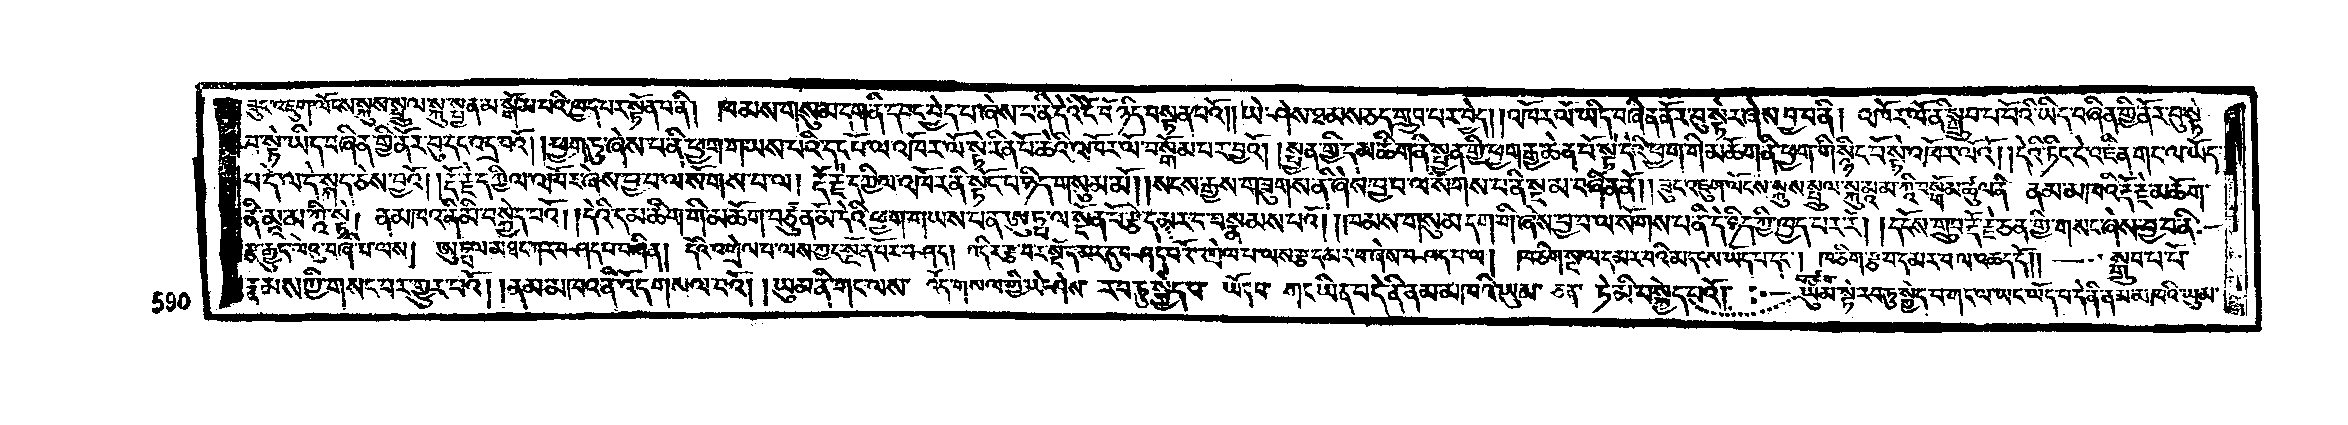ཟུང་འཇུག་ལོངས་སྐུས་སྤྲུལ་སྐུ་སྤྱན་མ་སྒོམ་པའི་ཁྱད་པར་སྟོན་པ་ནི།  ཁམས་གསུམ་དག་ནི་དབང་བྱེད་པ་ཞེས་པ་ནི་དེའི་ངོ་བོ་ཉིད་བསྟན་པའོ། །ཡེ་ཤེས་ཐམས་ཅད་གྲུབ་པར་བྱེད། །འཁོར་ལོ་ཡིད་བཞིན་ནོར་བུ་སྟེར་ཞེས་བྱ་བ་ནི། འཁོར་ལོ་ནི་སྒྲུབ་པ་པོའི་ཡིད་བཞིན་གྱི་ནོར་བུ་སྟེར་
བ་སྟེ་ཡིད་བཞིན་གྱི་ནོར་བུ་དང་འདྲ་བའོ། །ཕྱག་ཏུ་ཞེས་པ་ནི་ཕྱག་གཡས་པའི་དང་པོ་ལ་འཁོར་ལོ་སྟེ་རིན་པོ་ཆེའི་འཁོར་ལོ་བསྒོམ་པར་བྱའོ། །སྤྱན་གྱི་དམ་ཚིག་ནི་སྤྱན་གྱི་ཕྱག་རྒྱ་ཆེན་པོ་སྟེ་དེའི་ཕྱག་གི་མཆོག་ནི་ཕྱག་གི་སྙིང་པོ་སྟེ་འཁོར་ལོའོ། །དེའི་ཏིང་ངེ་འཛིན་གང་ལ་ཡོད་
པ་དེ་ལ་དེ་སྐད་ཅེས་བྱའོ། །རྡོ་རྗེ་དཀྱིལ་འཁོར་ཞེས་བྱ་བ་ལ་སོགས་པ་ལ། རྡོ་རྗེ་དཀྱིལ་འཁོར་ནི་སྟོང་པ་ཉིད་གསུམ་མོ། །སངས་རྒྱས་གཟུགས་ནི་ཞེས་བྱ་བ་ལ་སོགས་པ་ནི་སྔ་མ་བཞིན་ནོ། ། ཟུང་འཇུག་ལོངས་སྐུས་སྤྲུལ་སྐུ་མཱ་མ་ཀཱི་བསྒོམ་ཚུལ་ནི་ནམ་མཁའི་རྡོ་རྗེ་མཆོག་
ནི་མཱ་མ་ཀཱ་སྟེ། ནམ་མཁའ་ནི་མི་བསྐྱད་པའོ། །དེའི་དམ་ཚིག་གི་མཆོག་བཙུན་མོ་དེའི་ཕྱག་གཡས་པ་ན་ཨུཏྤ་ལ་སྔོན་པོ་རྩད་དམར་བ་བསྣམས་པའོ། །ཁམས་གསུམ་དག་གི་ཞེས་བྱ་བ་ལ་སོགས་པ་ནི་དེ་ཉིད་ཀྱི་ཁྱད་པར་རོ། །དངོས་གྲུབ་རྡོ་རྗེ་ཅན་གྱི་གསང་ཞེས་བྱ་བ་ནིཿ
རྩ་རྒྱུད་ལེའུ་བཞི་པ་ལས། ཨུཏྤལ་མཐང་?་ཀར་བཤད་པ་བཞིན། དེའི་འགྲེལ་པ་ལས་ཀྱང་སྔོན་པོར་བཤད། འདིར་རྩ་བར་སྔོ་དམར་དུ་བཤད་པའི་འགྲེལ་པ་ལས་རྩ་དམར་བ་ཞེས་བཤད་པ་ལ། ཁ་ཅིག་སྔ་ལ་དམར་བའི་མདངས་ཡོད་པ་དང་། ཁ་ཅིག་རྩ་བ་དམར་བ་ལ་འཆད་དོ།།  .Hསྒྲུབ་པ་པོ་
རྣམས་ཀྱི་གསང་བར་གྱུར་པའོ། །ནམ་མཁའ་ནི་འོད་གསལ་བའོ། །ཡུམ་ནི་གང་ལས་འདི་གསལ་གྱི་ཡེ་ཤེས་རབ་ཏུ་སྐྱེད་པ་ཡོད་པ་གང་ཡིན་པ་དེ་ནི་ནམ་མཁའི་ཡུམ་ཅན་ཏེ་མི་བསྐྱེད་པའོ། H.་པ་ཚབ་ཡུམ་སྟེ་རབ་ཏུ་སྐྱེད་པ་གང་ལ་ཡང་ཡོད་པ་དེ་ནི་ནམ་མཁའི་ཡུམ་